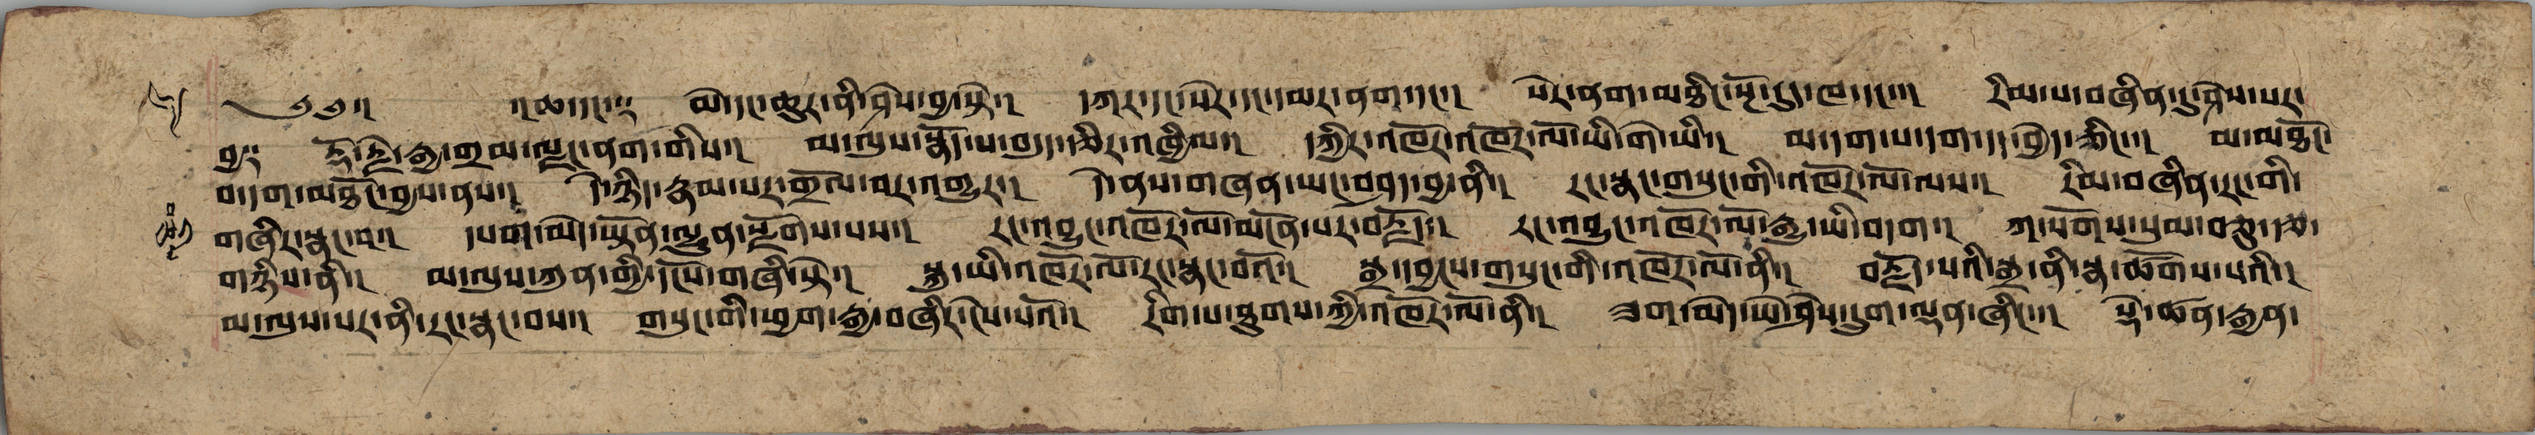༄༅་། ་།ཆ་དང་༑ མེ་དང་ཆུར་ནི་ཤེས་བྱ་སྟེ་། དཀར་དང་སེར་དང་དམར་ནག་དང་་། སེར་ནག་མཐིང་སྔོ་དུད་ཁ་དང་་། རིམ་པ་བཞིན་དུ་ཤེས་པར་
བྱ༑ རྡོ་རྗེ་རྒྱ་གྲམ་ལྗང་ནག་གིས་། མ་ལུས་སྣོད་པ་བདུད་རྩིར་འཁྱིལ་། དཀྱིར་འཁོར་འཁོར་ལོ་ཡི་གེ་ཡི་། མ་དག་པ་དག་དད་བྱེད་ཅིང་་། མ་མཐོང་
བ་དག་མཐོང་བྱས་ནས་། དེ་ཉིད་རྣམ་པར་གྲོལ་བར་འགྱུར་། དེ་ནས་གཞན་ཡང་བཤད་བྱ་ནི་། རང་སྣང་གསུང་གི་འཁོར་ལོ་ལས་། རིམ་བཞིན་རང་གི་
གཞིར་སྣང་བ་། དཔག་མེད་ཡྟོན་ལྷུན་སྫོགས་པས་། རང་འབྱུང་འཁོར་ལོ་མངོན་པར་བརྗོད་། རང་འབྱུང་འཁོར་ལོ་རྒྱུ་ཡི་བདག་། ཀ་སོགས་སུམ་བཅུ་རྩ་
གཉིས་ནི་། མ་ལུས་ཀུན་གྱི་དངོས་གཞི་སྟེ་། སྐུ་ཡི་འཁོར་ལོ་རང་སྣང་བའོ་། སྒྲ་དབྱངས་གསུང་གི་འཁོར་ལོ་ནི་། བརྗོད་པའི་སྒྲ་ནི་སྣ་ཚོགས་པའི་།
མ་ལུས་སར་ནི་རང་སྣང་བས་། གསུང་གི་ཕྱག་རྒྱ་བཞིར་ངེས་པའོ་། རིག་པ་ཐུགས་ཀྱི་འཁོར་ལོ་ནི་། ཟག་མེད་ཡེ་ཤེས་དྲུག་ལྡན་ཞིང་་། སྡེ་ཚན་རྒྱན་